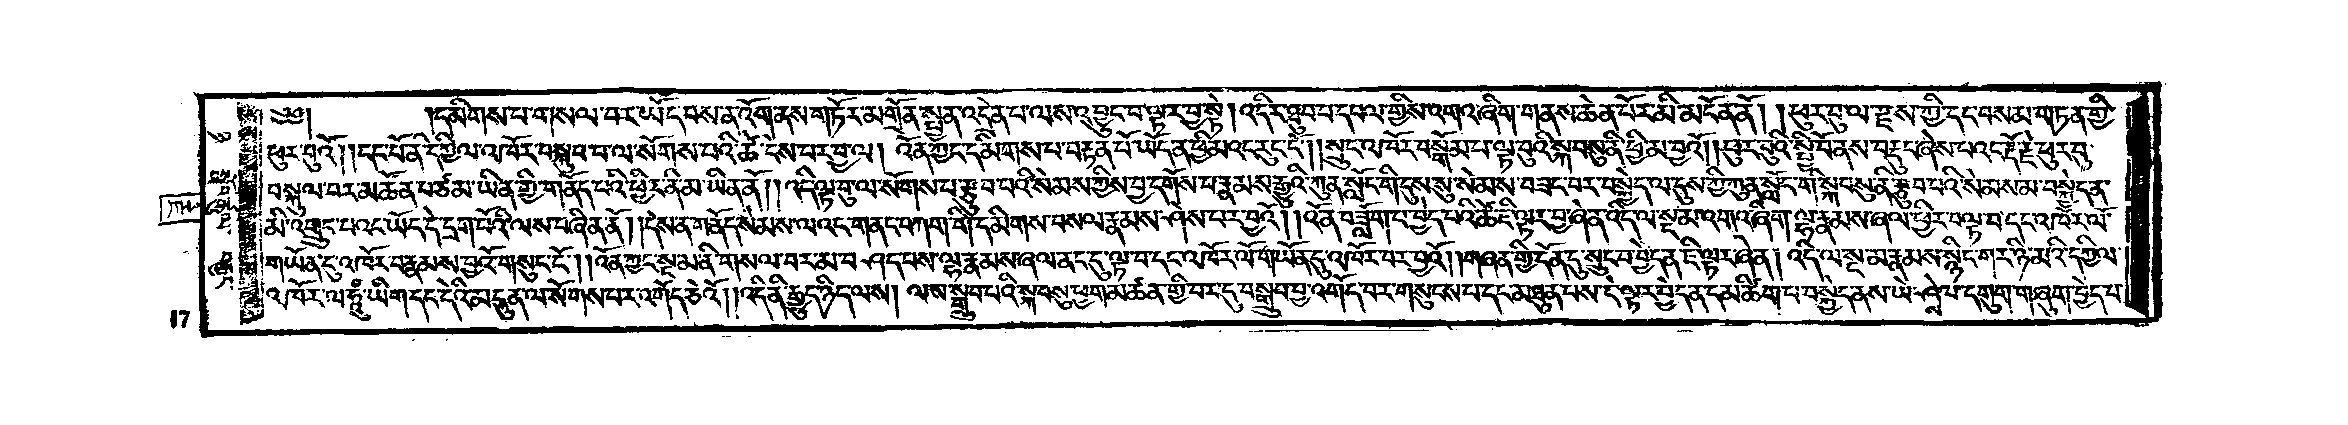༄༅། །དམིགས་པ་གསལ་བར་ཡོང་བས་ན་འོག་ནས་གཏོར་མགྲོན་སྤྱན་འདྲེན་པ་ལས་འབྱུང་བ་ལྟར་བྱ་སྟེ། འདིར་ཐུབ་པ་དཔལ་གྱིས་འགའ་ཞིག་གནས་ཆེན་པོར་མི་མངོན་ནོ། །ཕུར་བུ་ལ་རྫས་ཀྱི་དང་བསམ་གཏན་གྱི་
ཕུར་བུའོ། །དང་པོ་ནི་དཀྱིལ་འཁོར་བསྒྲུབ་པ་ལ་སོགས་པའི་ཚེ་ངེས་པར་བྱ་ལ། འོན་ཀྱང་དམིགས་པ་བརྟན་པོ་ཡོད་ན་ཕྱི་མའང་རུང་ངོ། །སྲུང་འཁོར་བསྒོམ་པ་ལྟ་བུའི་སྐབས་སུ་ནི་ཕྱི་མ་བྱའོ། །ཕུར་བུའི་སྤྱི་བོ་ནས་བརྡུང་ཞེས་པའང་རྡོ་རྗེ་ཕུར་བུ་
བསྐུལ་བར་མཚོན་པ་ཙམ་ཡིན་གྱི་གནོད་པའི་ཕྱིར་ནི་མ་ཡིན་ནོ། །འདི་ལྟ་བུ་ལ་སོགས་པ་རྩུབ་པའི་སེམས་ཀྱིས་བྱ་དགོས་པ་རྣམས་རྒྱུའི་ཀུན་སློང་གི་དུས་སུ་སེམས་བཟང་བར་བསྐྱེད་ལ་དུས་ཀྱི་ཀུན་སློང་གི་སྐབས་སུ་ནི་རྩུབ་པའི་སེམས་མ་བསྐྱེད་ན་
མི་འགྲུབ་པའང་ཡོད་དེ་དྲག་པོའི་ལས་བཞིན་ནོ། །དེས་ན་གནོད་སེམས་ལའང་གནང་བཀག་གི་དམིགས་བསལ་རྣམས་ཤེས་པར་བྱའོ། །འོ་ན་བཟློག་པ་བྱེད་པའི་ཚེ་ཇི་ལྟར་བྱ་ཞེ་ན་འདི་ལ་སྔ་མ་འགའ་ཞིག་ལྷ་རྣམས་ཞལ་ཕྱིར་བལྟ་བ་དང་འཁོར་ལོ་
གཡོན་དུ་འཁོར་བ་རྣམས་བྱའོ་གསུང་ངོ། །འོན་ཀྱང་སྔ་མ་ནི་གསལ་བར་མ་བཤད་པས་ལྷ་རྣམས་ཞལ་ནང་དུ་ལྟ་བ་དང་འཁོར་ལོ་གཡོན་དུ་འཁོར་བར་བྱའོ། །གཞན་གྱི་དོན་དུ་སྲུང་བ་བྱེད་ན་ཇི་ལྟར་ཞེ་ན། འདི་ལ་སྔ་མ་རྣམས་སྙིང་གར་ཉི་མའི་དཀྱིལ་
འཁོར་ལ་ཧཱུཾ་ཡིག་དང་དེའི་མདུན་ལ་སོགས་པར་འགོད་ཅེའོ། །འདི་ནི་རྒྱུད་ཉིད་ལས། ལས་སྒྲུབ་པའི་སྐབས་སུ་ཕྱག་མཚན་གྱི་བར་དུ་བསྒྲུབ་བྱ་འགོད་པར་གསུངས་པ་དང་མཐུན་པས་དེ་ལྟར་བྱེད་ན་དམ་ཚིག་པ་བསྐྱེད་ནས་ཡེ་ཤེས་པ་དགུག་གཞུག་བྱེད་པ་